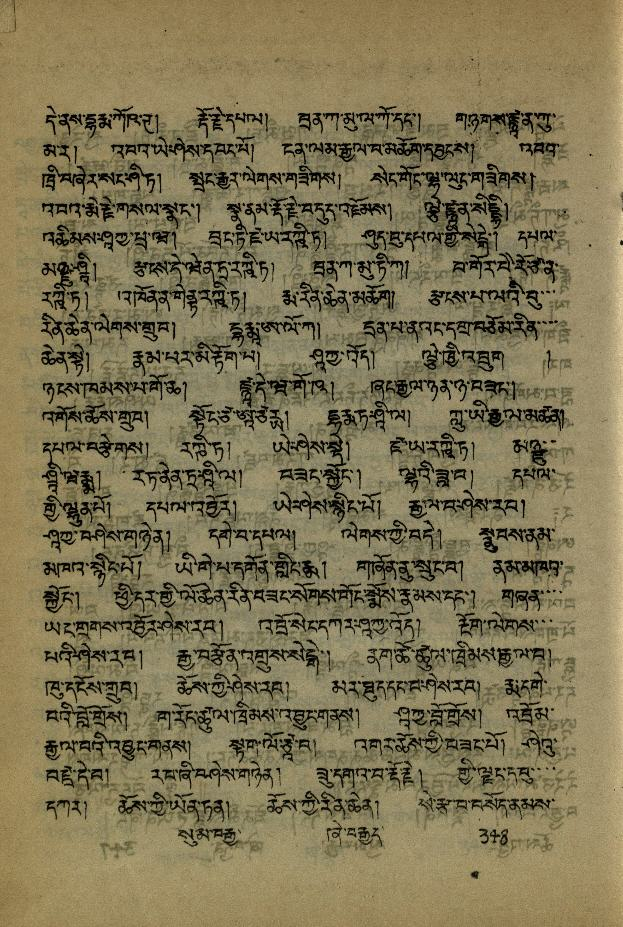དེ་ནས་དྷརྨ་ཀོཥ་ཊ། རྡོ་རྗེ་དཔལ། བྲན་ཀ་མུ་ལ་ཀོ་དང་། གཉགས་ཛྙཱ་ན་ཀུ་
མ་ར། འབའ་ཡེ་ཤེས་དབང་པོ། ངན་ལམ་རྒྱལ་བ་མཆོག་དབྱངས། འབའ་
ཁྲི་བཞེར་སང་ཤི་ཏ། སྤྲང་རྒྱར་ལེགས་གཟིགས། སེང་གོང་ལྷ་ལུང་གཟིགས།
འབའ་རྨེ་རྗེ་གསལ་སྣང་། སྣ་ནམ་རྡོ་རྗེ་བདུད་འཇོམས། ལྕེ་ཛྙཱ་ན་སིདྡྷི།
འཆིམས་ཤཱཀྱ་པྲ་ཝ། བྲང་ཏི་ཛ་ཡ་རཀྵི་ཏ། ཤུད་བུ་དཔལ་གྱི་སེངྒེ། དཔལ་
མཉྫུ་ཤྲཱི། རྩངས་དེ་ཝེན་དྲ་རཀྵི་ཏ། བྲན་ཀ་མུ་ཏི་ཀ། བ་གོར་བཻ་རོ་ཙ་ན་
རཀྵི་ཏ། འཁོན་ན་གེནྟ་རཀྵི་ཏ། རྨ་རིན་ཆེན་མཆོག། རྩངས་པ་ལའི་བུ་
རིན་ཆེན་ལེགས་གྲུབ། དྷརྨཱ་ཨ་ལོ་ཀ། དྲན་པ་ནའང་དགྲ་བཅོམ་རིན་
ཆེན་སྟེ། རྣམ་པར་མི་རྟོག་པ། ཤཱཀྱ་འོད། ལྕེ་ཁྱི་འབྲུག །
ཉངས་ཁམས་པ་གོ་ཆ། ཛྙཱ་དེ་ཝ་གོ་ཥ། ཞང་རྒྱལ་ཉན་ཉ་བཟང་།
འགོས་ཆོས་གྲུབ། སྟོང་ཙ་ཨཱ་ཙརྱ། དྷརྨ་ཏ་ཤཱི་ལ། ཀླུ་ཡི་རྒྱལ་མཚན།
དཔལ་བརྩེགས། རཀྵི་ཏ། ཡེ་ཤེས་སྡེ། ཛ་ཡ་རཀྵི་ཏ། མཉྫུ་
ཤྲཱི་ཝརྨྨ། རཏ་ནེན་ཏྲ་ཤཱི་ལ། བཟང་སྐྱོང་། ལྷའི་ཟླ་བ། དཔལ་
གྱི་ལྷུན་པོ། དཔལ་འབྱོར། ཡེ་ཤེས་སྙིང་པོ། རྒྱལ་བ་ཤེས་རབ།
ཤཱཀྱ་བཤེས་གཉེན། དགེ་བ་དཔལ། ལེགས་ཀྱི་བདེ། སྣུབས་ནམ་
མཁའ་སྙིང་པོ། ཡི་གེ་པ་དགོན་གླིང་རྨ། གཞོན་ནུ་སྲུང་བ། ནམ་མཁའ་
སྐྱོང་། ཕྱི་དར་གྱི་ལོ་ཆེན་རིན་བཟང་སོགས་གོང་སྨོས་རྣམས་དང་། གཞན་
ཡང་གྲགས་འབྱོར་ཤེས་རབ། འབྲོ་སེང་དཀར་ཤཱཀྱ་འོད། རྔོག་ལེགས་
པའི་ཤེས་རབ། རྒྱ་བརྩོན་འགྲུས་སེངྒེ། ནག་ཚོ་ཚུལ་ཁྲིམས་རྒྱལ་བ།
ཁུ་དངོས་གྲུབ། ཆོས་ཀྱི་ཤེས་རབ། མར་ཐུད་དང་བ་ཤེས་རབ། རྨ་དགེ་
བའི་བློ་གྲོས། ག་རོང་ཚུལ་ཁྲིམས་འབྱུང་གནས། ཤཱཀྱ་བློ་གྲོས། འབྲོམ་
རྒྱལ་བའི་འབྱུང་གནས། སྟག་ལོ་ཙཱ་བ། འགར་ཆོས་ཀྱི་བཟང་པོ། ཤེའུ་
བཛྲ་དེ་བ། རབ་ཞི་བཤེས་གཉེན། ཟུ་དགའ་བ་རྡོ་རྗེ། གྱི་ལྗང་དབུ་
དཀར། ཆོས་ཀྱི་ཡོན་ཏན། ཆོས་ཀྱི་རིན་ཆེན། སེ་རྩ་བ་བསོད་ནམས་